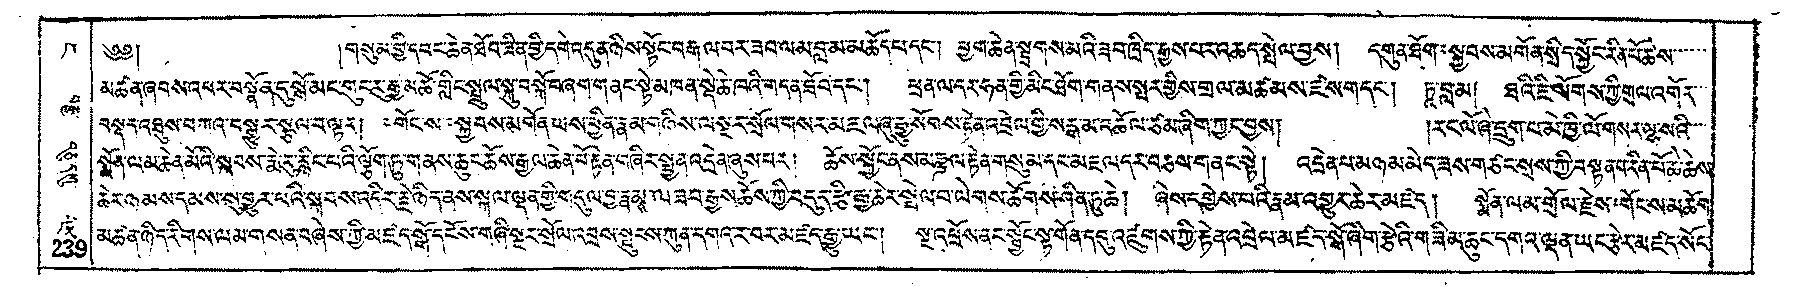༄༅། །གསུམ་གྱི་དབང་ཆེན་ཐོབ་ཟིན་གྱི་དགེ་འདུན་ཉིས་སྟོང་བརྒལ་བར་ཟབ་ལམ་བླ་མ་མཆོད་པ་དང་། ཕྱག་ཆེན་སྦྲགས་མའི་ཟབ་ཁྲིད་རྒྱས་པར་འཆད་སྤེལ་བྱས། དགུན་ཐོག་༧སྐྱབས་མགོན་སྲིད་སྐྱོང་རིན་པོ་ཆེས་
མཚན་ཞབས་འཕར་བསྣོན་དུ་སྒོ་མང་གུང་རུ་རྒྱ་མཚོ་གླིང་སྤྲུལ་སྐུ་བསྐོ་བཞག་གནང་སྟེ་མཁན་སྡེ་ཆེ་ཁའི་གདན་ཐོབ་དང་། ཕྲན་ལ་དར་ཧན་གྱི་མིང་ཐོག་གནས་སྤར་གྱིས་གྲལ་མཚམས་ཛ་སག་དང་། ཏཱ་བླ་མ། ཐའི་ཇི་སོགས་ཀྱི་གྲལ་འགོར་
བསྡད་འཐུས་བཀའ་བསྒྱུར་སྩལ་བ་ལྟར། ༧གོང་ས་༧སྐྱབས་མགོན་ཡས་ཕྱིན་རྣམ་གཉིས་ལ་སྔར་སྲོལ་གསར་མཇལ་ཞུ་རྒྱུ་སོགས་རྟེན་འབྲེལ་གྱི་སརྒ་མ་འཆོལ་ཙམ་ཞིག་ཀྱང་བྱས། །རང་ལོ་ཞེ་དྲུག་པ་མེ་ཁྱི་ལོ་གསར་ལྷ་སའི་
སྨོན་ལམ་ཆེན་མོའི་སྐབས་རྨེ་རུ་རྙིང་པའི་ལྕོག་ཏུ་གནས་ཆུང་ཆོས་རྒྱལ་ཆེན་པོ་རྟེན་གཞིར་སྤྱན་འདྲེན་ཞུས་པར། ཆོས་སྐྱོང་ནས་མཎྜལ་རྟེན་གསུམ་དང་མཇལ་དར་བཅས་གནང་སྟེ། འདྲེན་པ་མཉམ་མེད་ཟས་གཙང་སྲས་ཀྱི་བསྟན་པ་རིན་པོ་ཆེ་ཆེས་
ཆེར་ཉམས་དམས་སུ་གྱུར་པའི་སྐབས་འདིར་རྗེ་ཉིད་ནས་སྐལ་ལྡན་གྱི་གདུལ་བྱ་རྣམས་ལ་ཟབ་རྒྱས་ཆོས་ཀྱི་བདུད་རྩི་རྒྱ་ཆེར་སྤེལ་བ་ལེགས་ཚོགས་ཤིན་ཏུ་ཆེ། ཞེས་དགྱེས་པའི་རྣམ་འགྱུར་ཆེར་མཛད། སྨོན་ལམ་གྲོལ་རྗེས་༧གོང་ས་མཆོག་
མཚན་ཉིད་རིགས་ལམ་གསན་བཞེས་ཀྱི་མཛད་སྒོ་དངོས་གཞི་སྔར་སྲོལ་འབྲས་སྤུངས་ཀུན་དགའ་ར་བར་མཛད་རྒྱུ་ཡང་། སྔ་འཕྲོས་ནང་སྦྱོང་སྟ་གོན་དབུ་འཛུགས་ཀྱི་རྟེན་འབྲེལ་མཛད་སྒོ་ཞིག་རྩེའི་གཟིམ་ཆུང་དགའ་ལྡན་ཡང་རྩེར་མཛད་སོང་